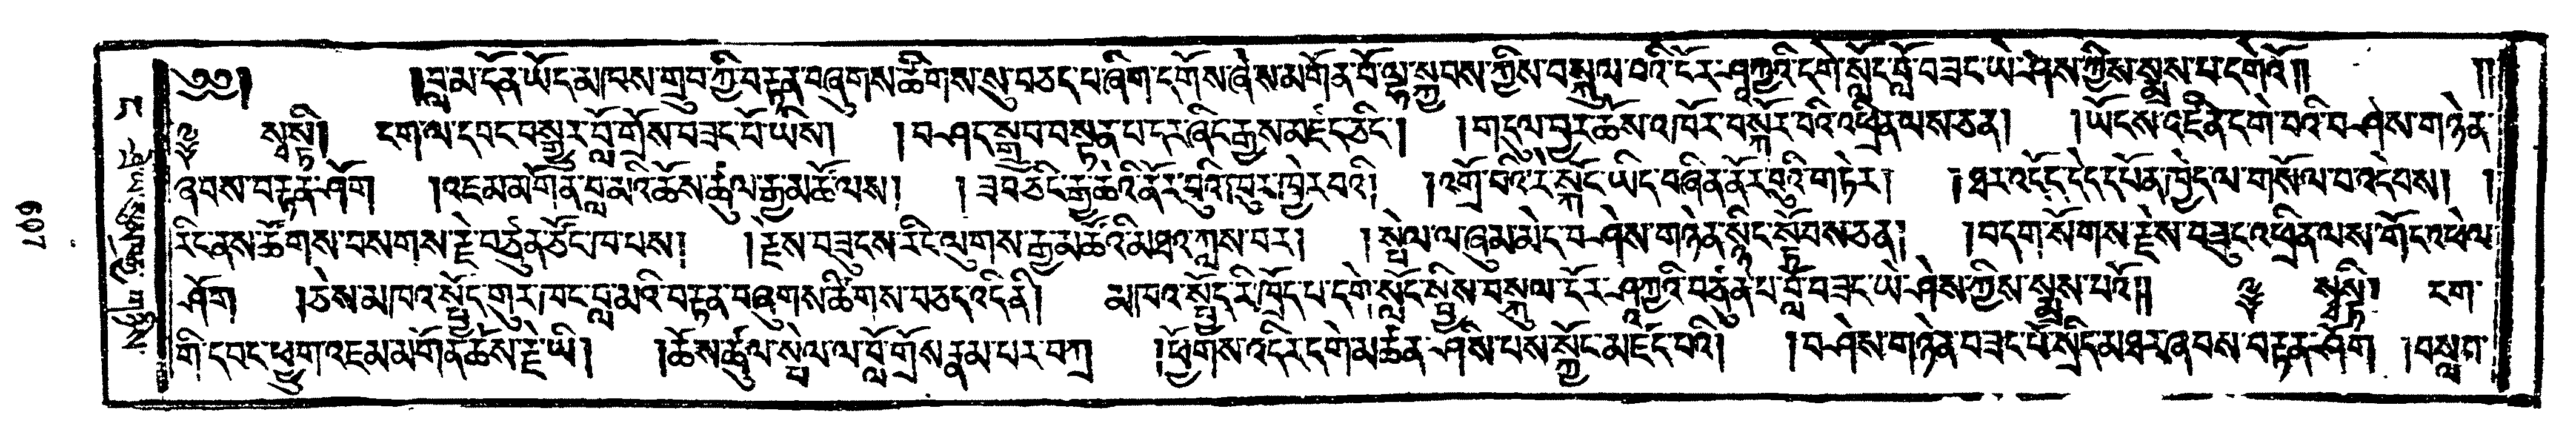༄༅། །བླ་མ་དོན་ཡོད་མཁས་གྲུབ་ཀྱི་བརྟན་བཞུགས་ཚིགས་སུ་བཅད་པ་ཞིག་དགོས་ཞེས་མགོན་པོ་ལྷ་སྐྱབས་ཀྱིས་བསྐུལ་བའི་ངོར་ཤཱཀྱའི་དགེ་སློང་བློ་བཟང་ཡེ་ཤེས་ཀྱིས་སྨྲས་པ་དགེའོ།། །།
༈ སྭསྟི། ངག་ལ་དབང་བསྒྱུར་བློ་གྲོས་བཟང་པོ་ཡིས། །བཤད་སྒྲུབ་བསྟན་པ་དར་ཞིང་རྒྱས་མཛད་ཅིང་། །གདུལ་བྱར་ཆོས་འཁོར་བསྐོར་བའི་འཕྲིན་ལས་ཅན། །ཡོངས་འཛིན་དགེ་བའི་བཤེས་གཉེན་
ཞབས་བརྟན་ཤོག །འཇམ་མགོན་བླ་མའི་ཆོས་ཚུལ་རྒྱ་མཚོ་ལས། །ཟབ་ཅིང་རྒྱ་ཆེའི་ནོར་བུའི་ཁུར་ཁྱེར་བའི། །འགྲོ་བའི་རེ་སྐོང་ཡིད་བཞིན་ནོར་བུའི་གཏེར། །ཐར་འདོད་དེད་དཔོན་ཁྱེད་ལ་གསོལ་བ་འདེབས། །
རིང་ནས་ཚོགས་བསགས་རྗེ་བཙུན་ཙོང་ཁ་པས། །རྗེས་བཟུངས་རིང་ལུགས་རྒྱ་མཚོའི་མཐའ་ཀླས་བར། །སྤེལ་ལ་ཞུམ་མེད་བཤེས་གཉེན་སྙིང་སྟོབས་ཅན། །བདག་སོགས་རྗེས་བཟུང་འཕྲིན་ལས་གོང་འཕེལ་
ཤོག །ཅེས་མཁའ་སྤྱོད་གུར་ཁང་བླ་མའི་བརྟན་བཞུགས་ཚིགས་བཅད་འདི་ནི། མཁའ་སྤྱོད་རི་ཁྲོད་པ་དགེ་སློང་སྤྱིས་བསྐུལ་དོར་ཤཱཀྱའི་བཙུན་པ་བློ་བཟང་ཡེ་ཤེས་ཀྱིས་སྨྲས་པའོ།། འ་སྭ་སྟི། ངག་
གི་དབང་ཕྱུག་འཇམ་མགོན་ཆོས་རྗེ་ཡི། །ཆོས་ཚུལ་སྤེལ་ལ་བློ་གྲོས་རྣམ་པར་བཀྲ་།ཕྱོགས་འདིར་དགེ་མཚན་ཤེས་པས་སྐྱོང་མཛད་པའི། །བཤེས་གཉེན་བཟང་པོ་སྲིད་མཐར་ཞབས་བརྟན་ཤོག །བསླབ་